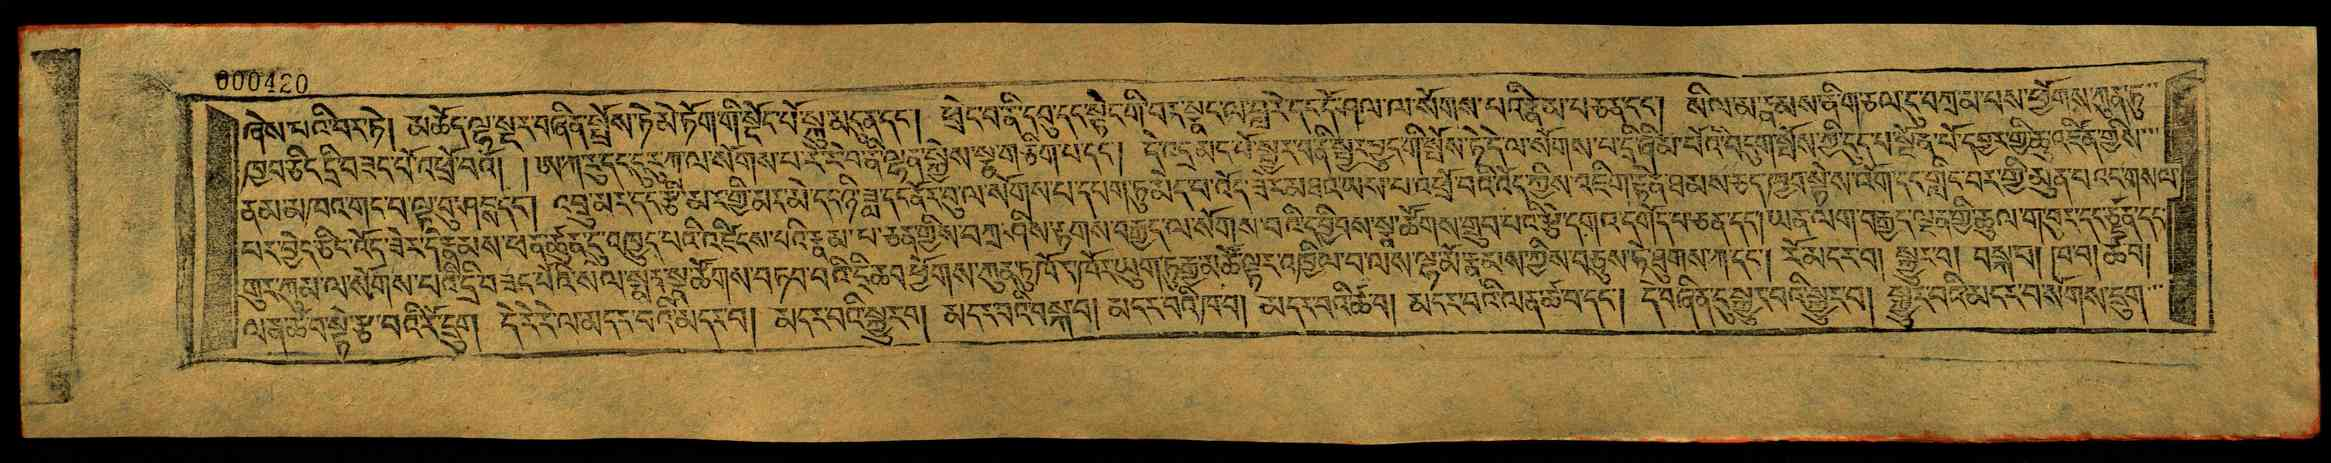ཞེས་པའི་བར་ཏེ། མཆོད་ལྷ་སྔར་བཞིན་སྤྲོས་ཏེ་མེ་ཏོག་གི་སྡོང་པོ་སྐུ་མདུན་དང་། ཕྲེང་བ་ནི་དབུ་དང་སྟེང་གི་བར་སྣང་ལ་བླ་རེ་དང་དོ་ཤལ་ལ་སོགས་པའི་རྣམ་པ་ཅན་དང་། སིལ་མ་རྣམས་ནི་གཅལ་དུ་བཀྲམ་པས་ཕྱོགས་ཀུན་ཏུ་
ཁྱབ་ཅིང་དྲི་བཟང་པོ་འཕྲོ་བའོ། །ཨ་ཀ་རུ་དང་དུ་རུ་ཀ་ལ་སོགས་པ་རེ་རེ་བ་ནི་ལྷན་སྐྱེས་སྣ་གཅིག་པ་དང་། དེ་འདྲ་མང་པོ་སྦྱར་བ་ནི་སྦྱར་བྱུང་གི་སྤོས་ཏེ་དེ་ལ་སོགས་པ་དྲི་ཞིམ་པོའི་བདུག་སྤོས་ཀྱི་དུད་པ་སྔོན་པོ་དབྱར་གྱི་ཆུ་འཛིན་གྱིས་
ནམ་མཁའ་གང་བ་ལྟ་བུ་ཤངས་དང་། འབྲུ་མར་དང་རྩི་མར་གྱི་མར་མེ་དང་ཉི་ཟླ་དང་ནོར་བུ་ལ་སོགས་པ་དཔག་ཏུ་མེད་པ་འོད་ཟེར་མཐའ་ཡས་པ་འཕྲོ་བའི་འོད་ཟེར་མཐའ་ཡས་པ་འཕྲོ་བའི་འོད་ཀྱིས་འཇིག་རྟེན་ཐམས་ཅད་ཁྱབ་སྟེ་ས་འོག་དང་གླིང་བར་གྱི་མུན་པའང་གསལ་
བར་བྱེད་ཅིང་འོད་ཟེར་དེ་རྣམས་ཕན་ཚུན་དུ་འཁྱུད་པའཾ་འཛིངས་པའི་རྣམ་པ་ཅན་གྱིས་བཀྲ་ཤིས་རྟགས་བརྒྱད་ལ་སོགས་པའི་དབྱིབས་སྣ་ཚོགས་གྲུབ་པའི་རྩེ་དགའ་དགོད་པ་ཅན་དང་། ཡན་ལག་བརྒྱད་ལྡན་གྱི་ཚུལ་ག་པུར་དང་ཙནྡན་དང་
གུར་གུམ་ལ་སོགས་པའི་དྲི་བཟང་པོའི་སིལ་སྨན་སྣ་ཚོགས་བཏབ་པའི་དྲི་ཆབ་ཕྱོགས་ཀུན་ཏུ་ཁོ་ར་ཁོར་ཡུག་ཏུ་རྒྱ་མཚོ་ལྟར་འཁྱིལ་བ་ལས་ལྷ་མོ་རྣམས་ཀྱིས་བཅུས་ཏེ་ཐུགས་ཀ་དང་། རོ་མངར་བ། སྐྱུར་པ། བསྐ་བ། ཁ་བ། ཚ་བ།
ལན་ཚ་བ་སྟེ་རྩ་བའི་རོ་དྲུག་དེ་རེ་རེ་ལ་མངར་བའི་མངར་བ། མངར་བའི་སྐྱུར་བ། མངར་བའི་སྐྱུར་བ། མངར་བའི་ཁ་བ། མངར་བའི་ཚ་བ། མངར་བའི་ལན་ཚ་བ་དང་། དེ་བཞིན་དུ་སྐྱུར་བའི་སྐྱུར་བ། སྐྱུར་བའི་མངར་བ་སོགས་དྲུག་